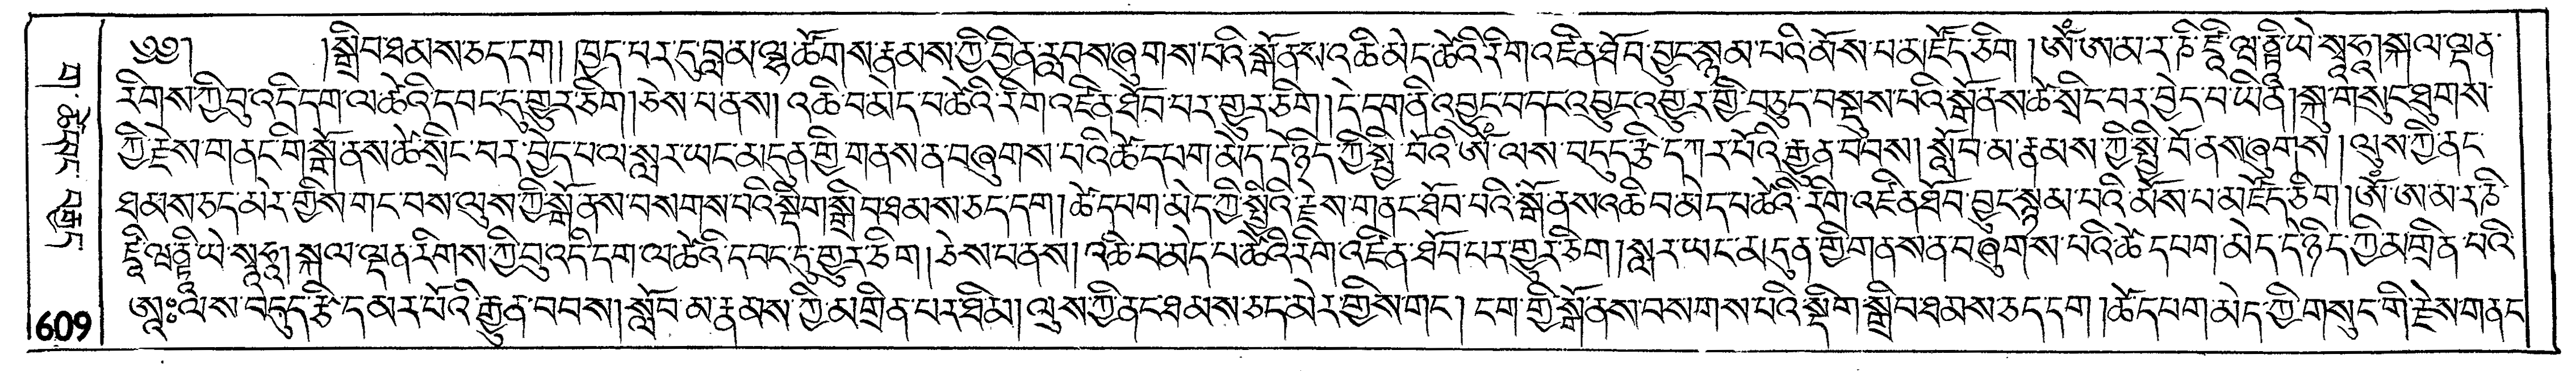༄༅། །སྒྲིབ་ཐམས་ཅད་དག །ཁྱད་པར་དུ་བླ་མ་ལྷ་ཚོགས་རྣམས་ཀྱི་བྱིན་རླབས་ཞུགས་པའི་སྒོ་ནས་འཆི་མེད་ཚེའི་རིག་འཛིན་ཐོབ་བྱུང་སྙམ་པའི་མོས་པ་མཛོད་ཅིག །ཨོཾ་ཨ་མ་ར་ཎི་ཛཱི་ཝ་ནྟཱི་ཡེ་སྭཱ་ཧཱ། སྐལ་ལྡན་
རིགས་ཀྱི་བུ་འདི་དག་ལ་ཚེའི་དབང་དུ་གྱུར་ཅིག །ཅེས་པ་ནས། འཆི་བ་མེད་པ་ཚེའི་རིག་འཛིན་ཐོབ་པར་གྱུར་ཅིག །དེ་དག་ནི་འབྱུང་བ་དང་འབྱུང་འགྱུར་གྱི་བཅུད་བསྡུས་པའི་སྒོ་ནས་ཚེ་སྲིང་བར་བྱེད་པ་ཡིན། སྐུ་གསུང་ཐུགས་
ཀྱི་རྗེས་གནང་གི་སྒོ་ནས་ཚེ་སྲིང་བར་བྱེད་པ་ལ་སླར་ཡང་མདུན་གྱི་གནས་ན་བཞུགས་པའི་ཚེ་དཔག་མེད་དེ་ཉིད་ཀྱི་སྤྱི་བོའི་ཨོཾ་ལས་བདུད་རྩི་དཀར་པོའི་རྒྱུན་བབས། སློབ་མ་རྣམས་ཀྱི་སྤྱི་བོ་ནས་ཞུགས། ལུས་ཀྱི་ནང་
ཐམས་ཅད་མེར་གྱིས་གང་བས་ལུས་ཀྱི་སྒོ་ནས་བསགས་པའི་སྡིག་སྒྲིབ་ཐམས་ཅད་དག །ཚེ་དཔག་མེད་ཀྱི་སྤྱིའི་རྗེས་གནང་ཐོབ་པའི་སྒོ་ནས་འཆི་བ་མེད་པ་ཚེའི་རིག་འཛིན་ཐོབ་བྱུང་སྙམ་པའི་མོས་པ་མཛོད་ཅིག །ཨོཾ་ཨ་མ་ར་ཎི་
ཛཱི་ཝནྟཱི་ཡེ་སྭཱ་ཧཱ། སྐལ་ལྡན་རིགས་ཀྱི་བུ་འདི་དག་ལ་ཚེའི་དབང་དུ་གྱུར་ཅིག །ཅེས་པ་ནས། འཆི་བ་མེད་པ་ཚེའི་རིག་འཛིན་ཐོབ་པར་གྱུར་ཅིག །སླར་ཡང་མདུན་གྱི་གནས་ན་བཞུགས་པའི་ཚེ་དཔག་མེད་དེ་ཉིད་ཀྱི་མགྲིན་པའི་
ཨཱཿ ལས་བདུད་རྩི་དམར་པོའི་རྒྱུན་བབས། སློབ་མ་རྣམས་ཀྱི་མགྲིན་པར་ཐིམ། ལུས་ཀྱི་ནང་ཐམས་ཅད་མེར་གྱིས་གང་། ངག་གི་སྒོ་ནས་བསགས་པའི་སྡིག་སྒྲིབ་ཐམས་ཅད་དག །ཚེ་དཔག་མེད་ཀྱི་གསུང་གི་རྗེས་གནང་